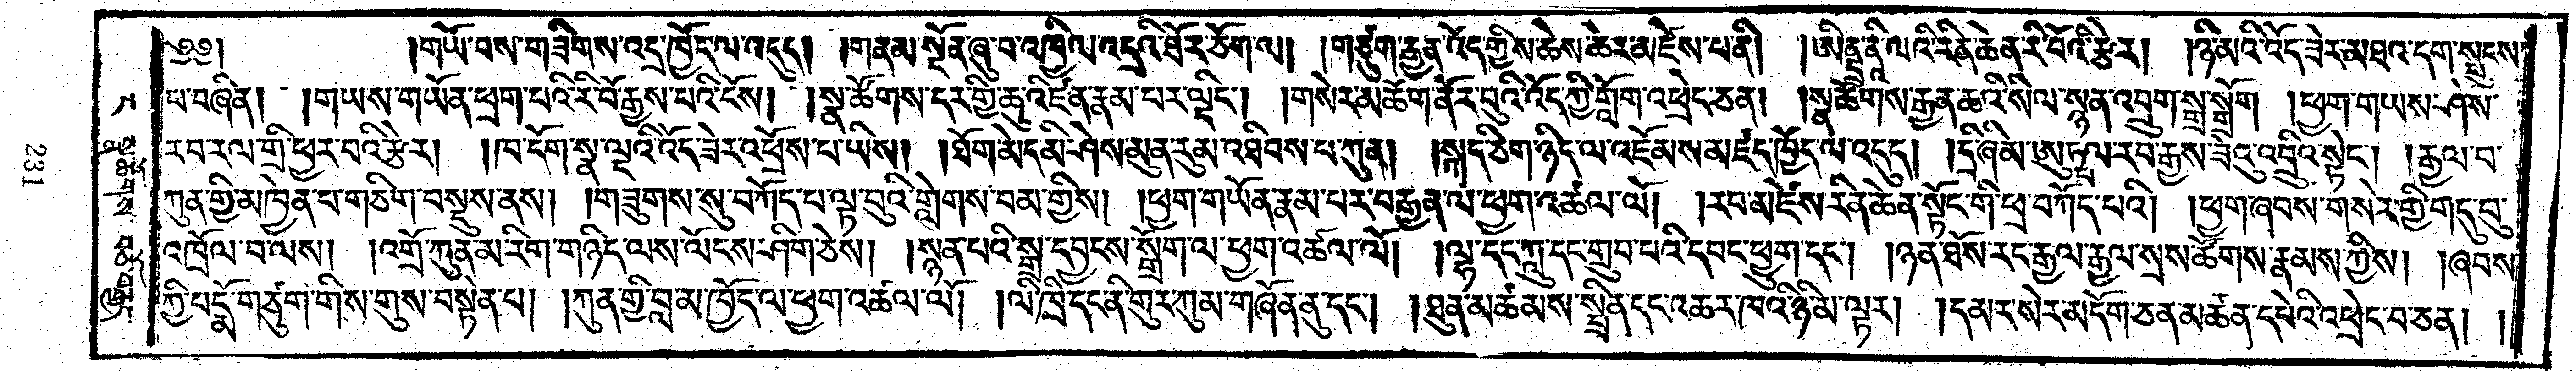༄༅། །གཡོ་བས་གཟིགས་འདྲ་ཁྱོད་ལ་འདུད། །གནམ་སྔོན་ཞུ་བ་འཁྱིལ་འདྲའི་ཐོར་ཅོག་ལ། །གཙུག་རྒྱན་འོད་གྱིས་ཆེས་ཆེར་མཛེས་པ་ནི། །ཨིནྡྲ་ནཱི་ལའི་རིན་ཆེན་རི་བོའི་རྩེར། །ཉི་མའི་འོད་ཟེར་མཐའ་དག་སྤུངས་
པ་བཞིན། །གཡས་གཡོན་ཕྲག་པའི་རི་བོ་རྒྱས་པའི་ངོས། །སྣ་ཚོགས་དར་གྱི་ཆུ་འཛིན་རྣམ་པར་ལྡིང་། །གསེར་མཆོག་ནོར་བུའི་འོད་ཀྱི་གློག་འཕྲེང་ཅན། །སྣ་ཚོགས་རྒྱན་ཆའི་སིལ་སྙན་འབྲུག་སྒྲ་སྒྲོག །ཕྱག་གཡས་ཤེས་
རབ་རལ་གྲི་ཕྱར་བའི་རྩེར། །ཁ་དོག་སྣ་ལྔའི་འོད་ཟེར་འཕྲོས་པ་ཡིས། །ཐོག་མེད་མི་ཤེས་མུན་རུམ་འཐིབས་པ་ཀུན། །སྐད་ཅིག་ཉིད་ལ་འཇོམས་མཛད་ཁྱོད་ལ་འདུད། །དྲི་ཞིམ་ཨུཏྤལ་རབ་རྒྱས་ཟེའུ་འབྲུའི་སྟེང་། །རྒྱལ་བ་
ཀུན་གྱི་མཁྱེན་པ་གཅིག་བསྡུས་ནས། །གཟུགས་སུ་བཀོད་པ་ལྟ་བུའི་གླེགས་བམ་གྱིས། །ཕྱག་གཡོན་རྣམ་པར་བརྒྱན་ལ་ཕྱག་འཚལ་ལོ། །རབ་མཛེས་རིན་ཆེན་སྟོང་གི་ཕྲ་བཀོད་པའི། །ཕྱག་ཞབས་གསེར་གྱི་གདུ་བུ་
འཁྲོལ་བ་ལས། །འགྲོ་ཀུན་མ་རིག་གཉིད་ལས་ལོངས་ཤིག་ཅེས། །སྙན་པའི་སྒྲ་དབྱངས་སྒྲོག་ལ་ཕྱག་འཚལ་ལོ། །ལྷ་དང་ཀླུ་དང་གྲུབ་པའི་དབང་ཕྱུག་དང་། །ཉན་ཐོས་རང་རྒྱལ་རྒྱལ་སྲས་ཚོགས་རྣམས་ཀྱིས། །ཞབས་
ཀྱི་པདམོ་གཙུག་གིས་གུས་བསྟེན་པ། །ཀུན་གྱི་བླ་མ་ཁྱོད་ལ་ཕྱག་འཚལ་ལོ། །ལི་ཁྲི་དང་ནི་གུར་ཀུམ་གཞོན་ནུ་དང་། །ཐུན་མཚམས་སྤྲིན་དང་འཆར་ཁའི་ཉི་མི་ལྟར། །དམར་སེར་མདོག་ཅན་ཐམས་ཅད་དཔེའི་འཕྲེང་བ་ཅན། །